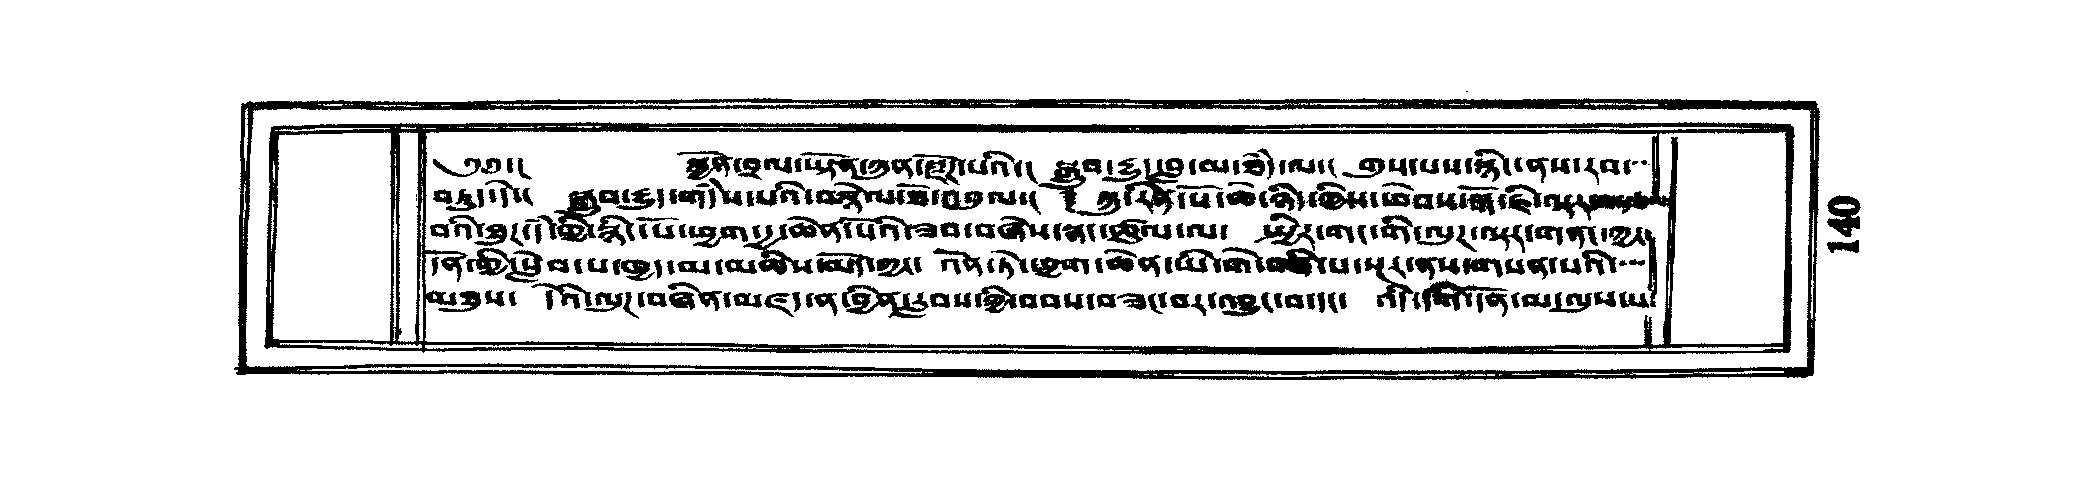སྐྱོན་བྲལ་ཡོན་ཏན་ཀུན་རྫོགས་པའི། །སྒྲུབ་རྒྱུད་བླ་མ་ཐམས་ཅད་ལ། །གུས་པས་སྙིང་ནས་རབ་
བཏུད་དེ། །སྒྲུབ་བརྒྱུད་གདམས་པའི་བསྙེལ་ཐོ་འབུལ། སྐུ་རིན་པོ་ཆེ་ཉིད་ཀྱིས་ཕེབས་སྒོ་ཇི་ལྟར་
བསྩལ་བའི་ཐུགས་དམ་གྱི་སྙིང་པོ་ཕྱག་རྒྱ་ཆེན་པོའི་ཟབ་བཞེས་སྣང་ཚུལ་ལ། སྤྱིར་གང་གི་ལུགས་ལྟར་གནང་ཀྱང་
དོན་གྱི་སླེབ་ས་ཁྱད་མ་མཆིས་མོད་ཀྱང་། འོན་ཏེ་ཕྱག་ཆེན་ཡི་གེ་བཞི་པ་སྔར་ནས་གསན་པའི་
མཐུས། དེའི་ལུགས་བཞིན་མཛད་ན་བྱིན་རླབས་ཀྱི་བབས་བཟང་བར་འབྱུང་བ་དང་། འདི་དག་གི་དོན་མ་ལུས་པ་